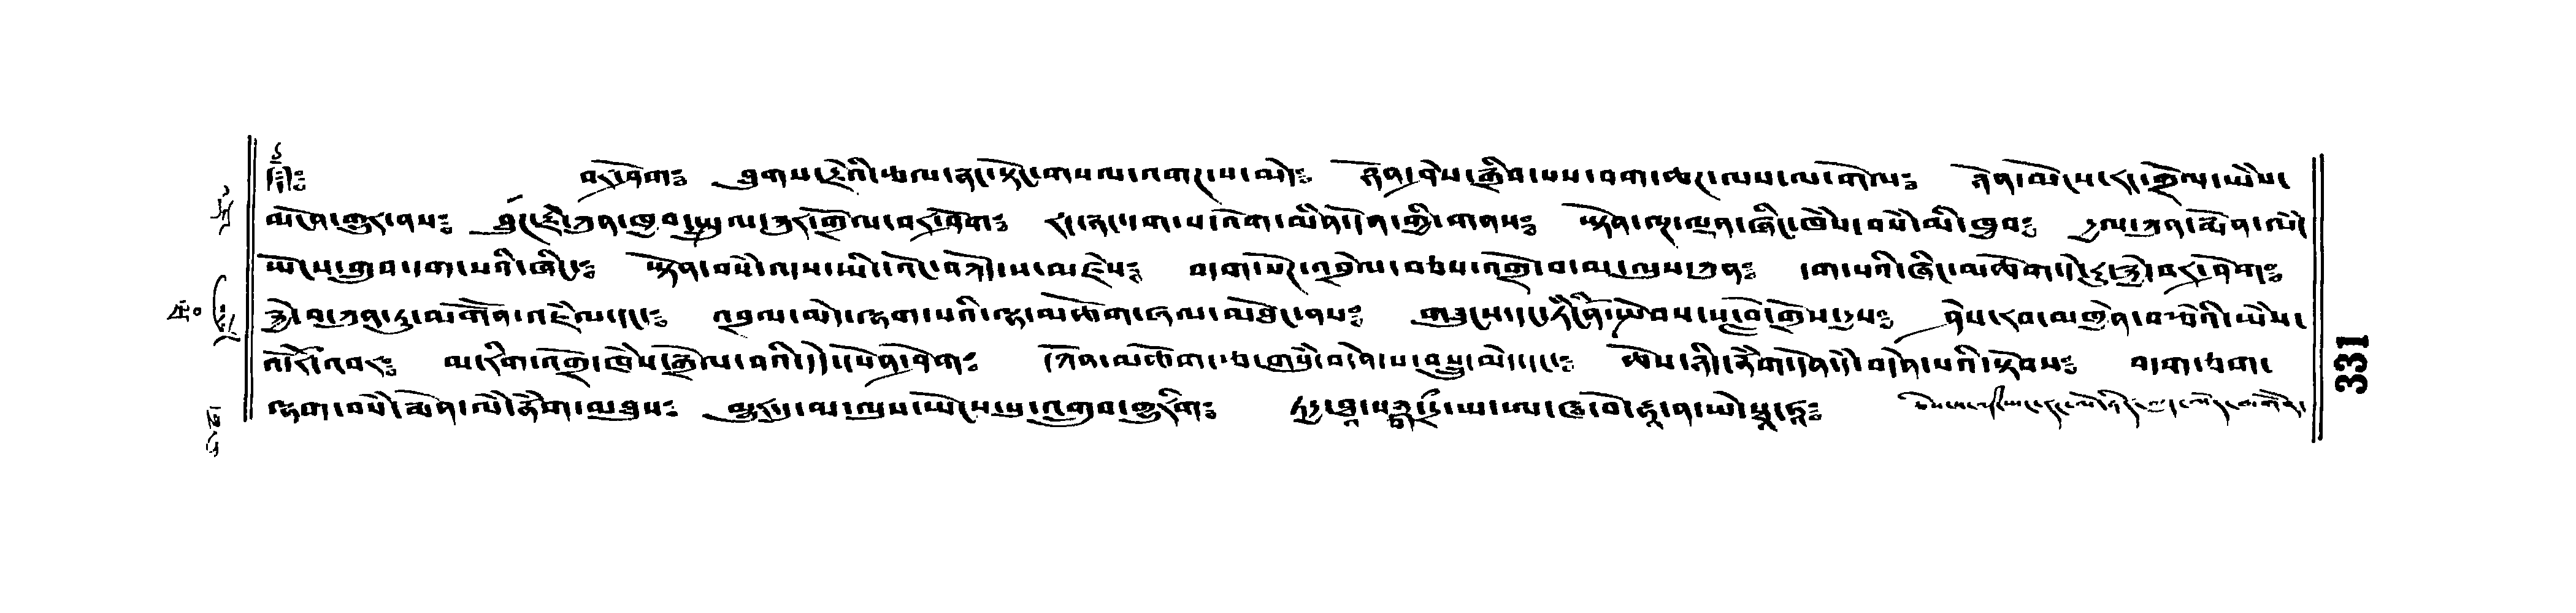བར་ཤོག༔ ཐུགས་རྗེའི་རྩལ་སྣང་སྟོང་གསལ་འགགས་པ་མེད༔ ཉོན་ཤེས་སྒྲིབ་པས་བག་ཆགས་ལས་ལ་གོལ༔ ཉོན་མོངས་རང་གྲོལ་ཡེ་ཤེས་
མངོན་གྱུར་ནས༔ ཐུགས་རྗེ་ཀུན་ཁྱབ་སྤྲུལ་སྐུར་གྲོལ་བར་ཤོག༔ རང་སྣང་དག་པ་འོག་མིན་དོན་གྱི་གནས༔ ཡོན་ཏན་ལྔ་ལྡན་ཞིང་ཁམས་བསམ་མི་ཁྱབ༔ རྒྱལ་ཀུན་སྨོན་ལམ་
ཡོངས་གྲུབ་དག་པའི་ཞིང༔ ཡོན་ཏན་བསམ་འདས་ཡིད་འོང་བཀོད་པ་མཛེས༔ བདག་སོགས་འབྲེལ་བཅས་འགྲོ་བ་མ་ལུས་ཀུན༔དག་པའི་ཞིང་མཆོག་དེ་རུ་སྐྱེ་བར་ཤོག༔ 
སྐྱེ་བ་ཀུན་ཏུ་མགོན་པོ་འཇམ་དཔལ་དང༔ འབྲལ་མེད་ལྷག་པའི་ལྷ་མཆོག་ཞལ་མཐོང་ནས༔ གཟུངས་དང་ཏིང་འཛིན་སྤོབས་པ་བློ་གྲོས་རྒྱས༔ ཤེས་རབ་མཁྱེན་བརྩེའི་ཡེ་ཤེས་
འོད་ཟེར་འབར༔ མ་རིག་འགྲོ་ཁམས་སྒྲོལ་བའི་དེད་དཔོན་ཤོག༔ དཀོན་མཆོག་རྩ་གསུམ་བདེན་པ་བསླུ་མེད་དང༔ ཆོས་ཉིད་རྣམ་དག་དོན་དམ་བདེན་པའི་སྟོབས༔ བདག་ཅག་
ལྷག་བསམ་སྨོན་ལམ་རྣམ་དག་མཐུས༔ མྱུར་དུ་མ་ལུས་ཡོངས་སུ་འགྲུབ་གྱུར་ཅིག༔ ཏདྱ་ཐཱ་པཉྩ་དྲྀ་ཡ་ཨ་ཝ་བོ་དྷཱ་ན་ཡེ་སྭཱ་ཧཱ༔ ཅེས་པ་འདི་ཡང་རང་ལོ་ཉེར་བརྒྱད་ལོར་མགོན་པོ་